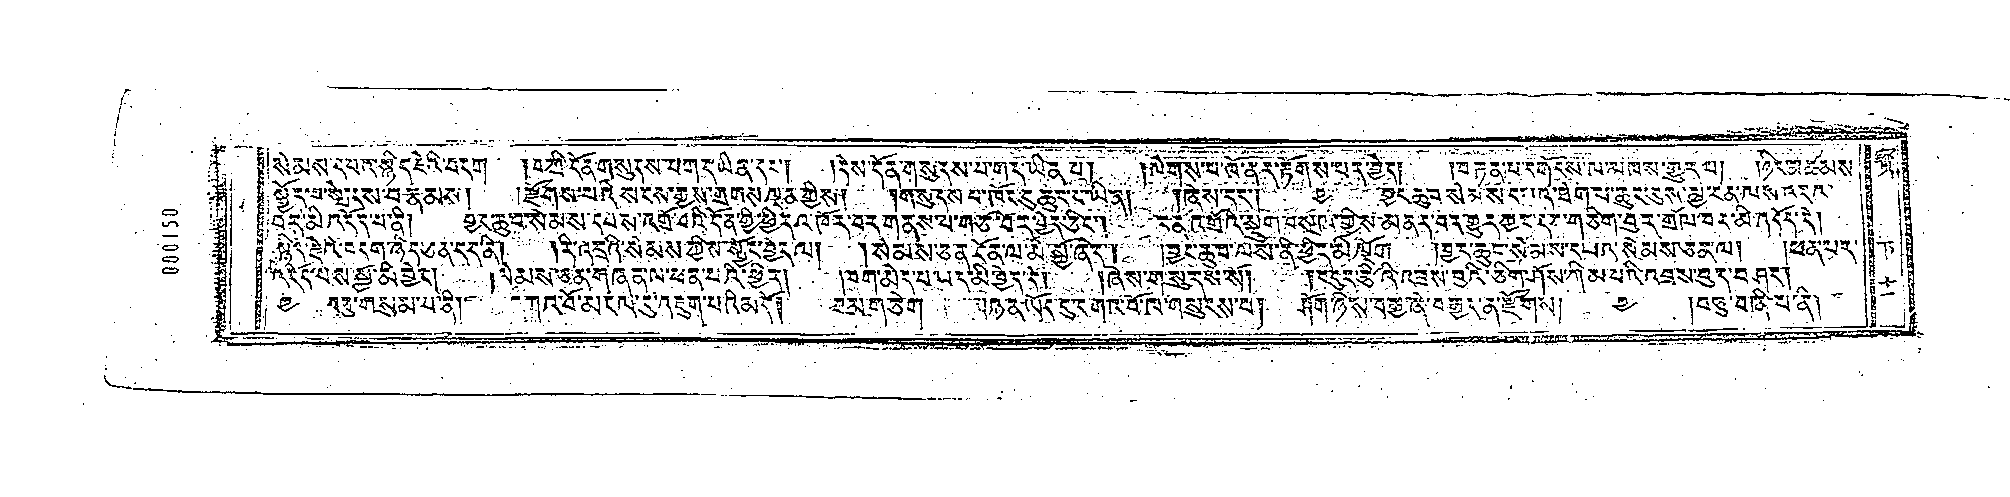སེམས་དཔའ་སྙིང་རྗེའི་བདག །འགྲོ་དོན་གསུངས་པ་གད་ཡིན་དང་། །དེས་དོན་གསུངས་པ་གང་ཡིན་པ། །ལེགས་པ་ཁོ་ནར་རྟོགས་པར་བྱེད། །བརྟན་པ་དགོངས་ལ་མཁས་གྱུར་པ། །ཉིད་མཚམས་
སྦྱོར་བ་སྤེ་ངས་བ་རྣམས། །རྫོགས་པའི་སངས་རྒྱས་གྲགས་ལྡན་གྱིས། །གསུངས་པ་ཁོང་དུ་ཆུད་པ་ཡིན། །ཞེས་དང་། ༧་བྱང་ཆུབ་སེམས་དཔའ་ཐེག་པ་ཆུང་དུས་མྱ་ངན་ལས་འདའ་
བར་མི་འདོད་པ་ནི། བྱང་ཆུབ་སེམས་དཔས་འགྲོ་བའི་དོན་གྱི་ཕྱིར་འཁོར་བར་གནས་པ་གཙོ་བོར་བྱེད་ཅིང་། ངན་འགྲོའི་སྡུག་བསྔལ་གྱིས་མནར་བར་གྱུར་ཀྱང་རང་གཅིག་བུར་གྲོལ་བར་མི་འདོད་དེ།
སྙིང་རྗེའི་བདག་ཉིད་ཅན་དང་ནི། །རི་འདྲའི་སེམས་ཀྱིས་སྦྱོང་བྱེད་ལ། །སེམས་ཅན་དོན་ལ་མི་སྐྱོ་ཞིང་། །བྱང་ཆུབ་ལས་ནི་ཕྱིར་མི་ལྡོག །བྱང་ཆུབ་སེམས་དཔའ་སེམས་ཅན་ལ། །ཕན་པར་
འདོད་པས་སྐྱོ་མི་བྱེད། །སེམས་ཅན་གཞན་ལ་ཕན་པའི་ཕྱིར། །བག་མེད་པ་ཡང་མི་བྱེད་དོ། །ཞེས་གསུངས་སོ། །བདུད་རྩིའི་འབྲས་བུའི་ཅིག་ཤོས་ཀིམ་པའི་འབྲས་བུར་བཤད།
༧་བཅུ་གསུམ་པ་ནི། དགའ་བོ་མངལ་དུ་འཇུག་པའི་མདོ། བམ་གཅིག །ཉན་ཡོང་དུ་དགའ་བོ་ལ་གསུངས་པ། ཤོག་ཉིས་བརྒྱ་ཞེ་བརྒྱད་ན་རྫོགས། ༧་།བཅུ་བཞི་པ་ནི།